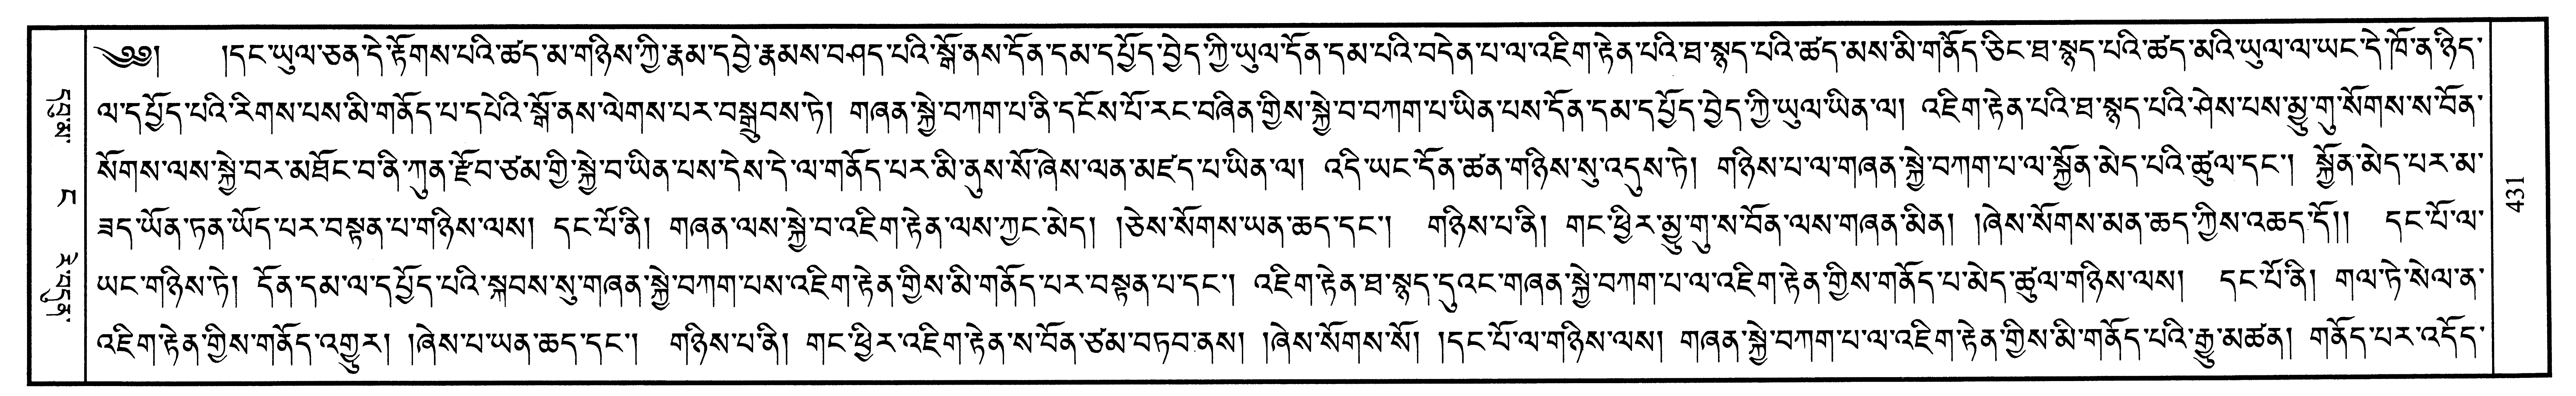༄༅། །དང་ཡུལ་ཅན་དེ་རྟོགས་པའི་ཚད་མ་གཉིས་ཀྱི་རྣམ་དབྱེ་རྣམས་བཤད་པའི་སྒོ་ནས་དོན་དམ་དཔྱོད་བྱེད་ཀྱི་ཡུལ་དོན་དམ་པའི་བདེན་པ་ལ་འཇིག་རྟེན་པའི་ཐ་སྙད་པའི་ཚད་མས་མི་གནོད་ཅིང་ཐ་སྙད་པའི་ཚད་མའི་ཡུལ་ལ་ཡང་དེ་ཁོ་ན་ཉིད་
ལ་དཔྱོད་པའི་རིགས་པས་མི་གནོད་པ་དཔེའི་སྒོ་ནས་ལེགས་པར་བསྒྲུབས་ཏེ། གཞན་སྐྱེ་བཀག་པ་ནི་དངོས་པོ་རང་བཞིན་གྱིས་སྐྱེ་བ་བཀག་པ་ཡིན་པས་དོན་དམ་དཔྱོད་བྱེད་ཀྱི་ཡུལ་ཡིན་ལ། འཇིག་རྟེན་པའི་ཐ་སྙད་པའི་ཤེས་པས་མྱུ་གུ་སོགས་ས་བོན་
སོགས་ལས་སྐྱེ་བར་མཐོང་བ་ནི་ཀུན་རྫོབ་ཙམ་གྱི་སྐྱེ་བ་ཡིན་པས་དེས་དེ་ལ་གནོད་པར་མི་ནུས་སོ་ཞེས་ལན་མཛད་པ་ཡིན་ལ། འདི་ཡང་དོན་ཚན་གཉིས་སུ་འདུས་ཏེ། གཉིས་པ་ལ་གཞན་སྐྱེ་བཀག་པ་ལ་སྐྱོན་མེད་པའི་ཚུལ་དང་། སྐྱོན་མེད་པར་མ་
ཟད་ཡོན་ཏན་ཡོད་པར་བསྟན་པ་གཉིས་ལས། དང་པོ་ནི། གཞན་ལས་སྐྱེ་བ་འཇིག་རྟེན་ལས་ཀྱང་མེད། །ཅེས་སོགས་ཡན་ཆད་དང་། གཉིས་པ་ནི། གང་ཕྱིར་མྱུ་གུ་ས་བོན་ལས་གཞན་མིན། །ཞེས་སོགས་མན་ཆད་ཀྱིས་འཆད་དོ།། དང་པོ་ལ་
ཡང་གཉིས་ཏེ། དོན་དམ་ལ་དཔྱོད་པའི་སྐབས་སུ་གཞན་སྐྱེ་བཀག་པས་འཇིག་རྟེན་གྱིས་མི་གནོད་པར་བསྟན་པ་དང་། འཇིག་རྟེན་ཐ་སྙད་དུའང་གཞན་སྐྱེ་བཀག་པ་ལ་འཇིག་རྟེན་གྱིས་གནོད་པ་མེད་ཚུལ་གཉིས་ལས། དང་པོ་ནི། གལ་ཏེ་སེལ་ན་
འཇིག་རྟེན་གྱིས་གནོད་འགྱུར། །ཞེས་པ་ཡན་ཆད་དང་། གཉིས་པ་ནི། གང་ཕྱིར་འཇིག་རྟེན་ས་བོན་ཙམ་བཏབ་ནས། །ཞེས་སོགས་སོ། །དང་པོ་ལ་གཉིས་ལས། གཞན་སྐྱེ་བཀག་པ་ལ་འཇིག་རྟེན་གྱིས་མི་གནོད་པའི་རྒྱུ་མཚན། གནོད་པར་འདོད་